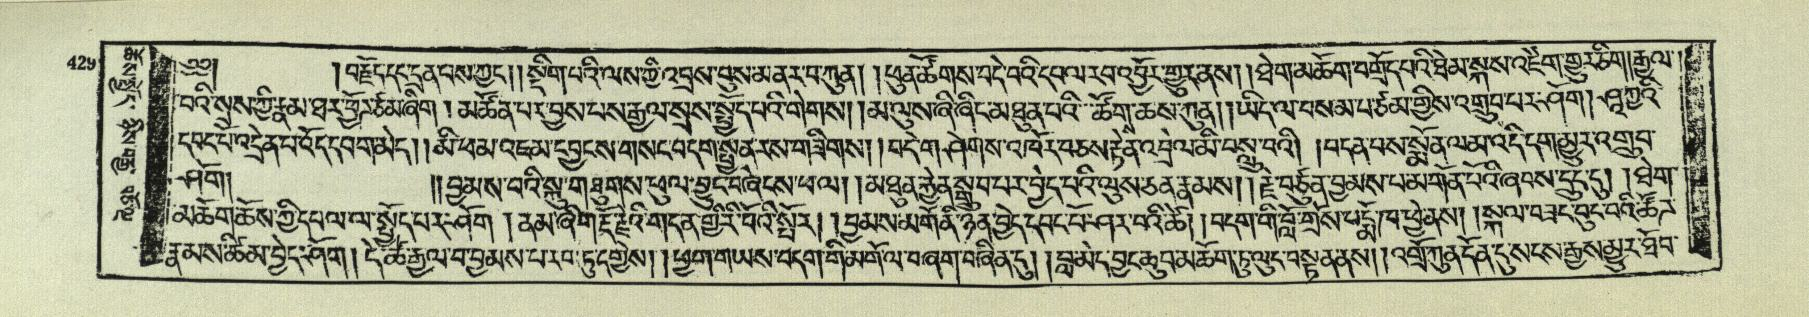༄༅། །བརྗོད་དང་དྲན་བས་ཀྱང་། །སྡིག་པའི་ལས་ཀྱི་འབྲས་བུས་མནར་བ་ཀུན། །ཕུན་ཚོགས་བདེ་བའི་དཔལ་རབ་འབྱོར་གྱུར་ནས། །ཐེག་མཆོག་བགྲོད་པའི་ཐེམ་སྐས་འཛེག་གྱུར་ཅིག །རྒྱལ་
བའི་སྲས་ཀྱི་རྣམ་ཐར་ཕྱོགས་ཙམ་ཞིག །མཚོན་པར་བྱས་པས་རྒྱལ་སྲས་སྤྱོད་པའི་གེགས། །མ་ལུས་ཞི་ཞིང་མཐུན་པའི་ཚོགས་ཆས་ཀུན། །ཡིད་ལ་བསམ་པ་ཙམ་གྱིས་འགྲུབ་པར་ཤོག །ཤཱཀྱའི་
དབང་པོ་འདྲེན་པ་འོད་དབག་མེད། །མི་ཕམ་འཇམ་དབྱངས་གསང་བདག་སྤྱན་རས་གཟིགས། །བདེ་གཤེགས་འཁོར་བཅས་རྟེན་འབྲེལ་མི་བསླུ་བའི། །བདན་པས་སྨོན་ལམ་འདི་དག་མྱུར་འགྲུབ་
ཤོག། །།བྱམས་བའི་སྐུ་གྠུགས་ཕུལ་བྱུང་བཞེངས་ཕ་ལ། །མཐུན་སྐྱེན་སྒྲུབ་པར་བྱེད་པའི་ལུས་ཅན་རྣམས། །རྗེ་བཙུན་བྱམས་པ་མགོན་པོའི་ཞབས་དྲུང་དུ། །ཐེག་
མཆོག་ཆོས་ཀྱི་དཔལ་ལ་སྤྱོད་པར་ཤོག །ནམ་ཞིག་རྡོ་རྗེའི་གདན་གྱི་རི་བོའི་སྤོར། །བྱམས་མགོན་ཉིན་བྱེད་དབང་པོ་ཤར་བའི་ཚེ། །བདག་གི་བློ་གྲོས་པདམོ་ཁ་ཕྱེ་ནས། །སྐལ་བཟང་བུང་བའི་ཚོགས་
རྣམས་ཚིམ་བྱེད་ཤོག། དེ་ཚེ་རྒྱལ་བ་བྱམས་པ་རབ་ཏུ་དགྱེས། །ཕྱག་གཡས་བདག་གི་མགོ་ལ་བཞག་བཞིན་དུ། །བླ་མེད་བྱང་ཆུབ་མཆོག་ཏུ་ལུང་བསྟན་ནས། །འགྲོ་ཀུན་དོན་དུ་སངས་རྒྱས་མྱུར་ཐོབ་